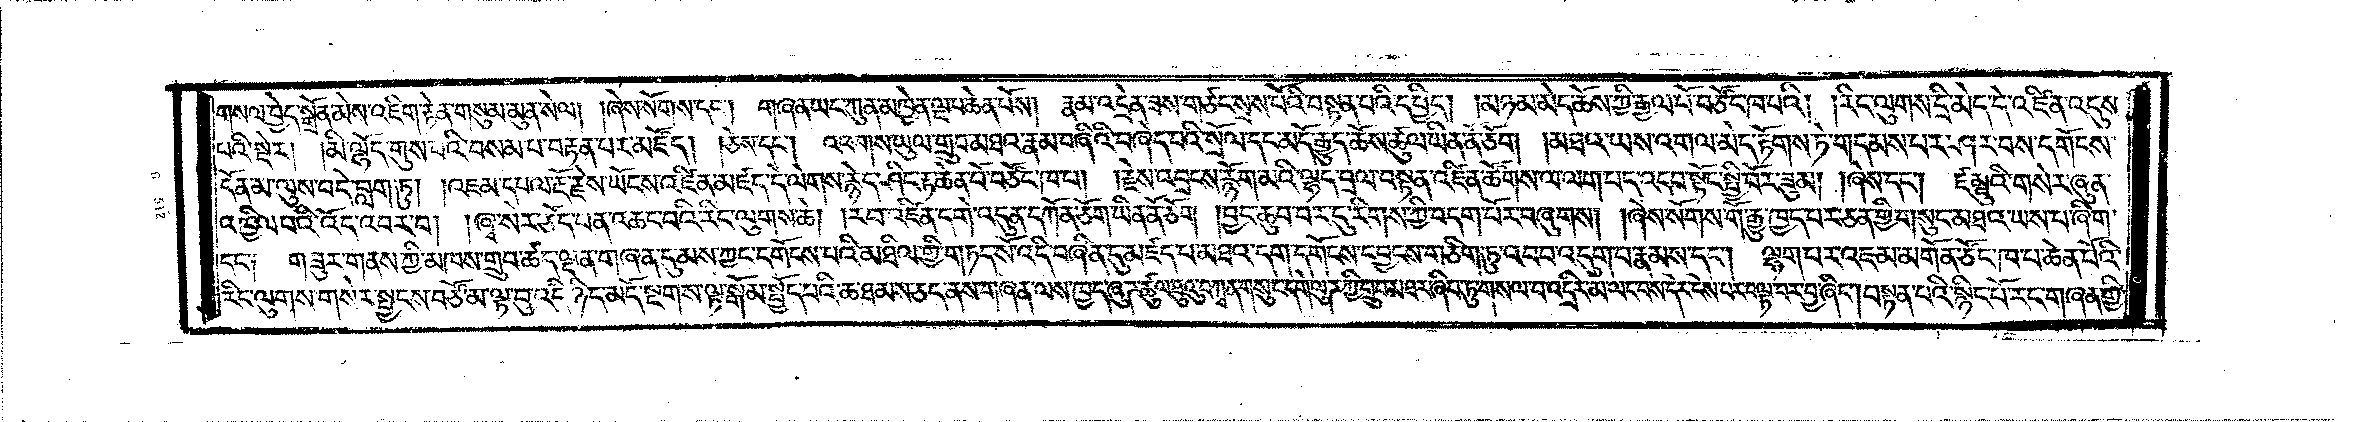གསལ་བྱེད་སྒྲོན་མེས་འཇིག་རྟེན་གསུམ་མུན་སེལ། །ཞེས་སོགས་དང་། གཞན་ཡང་ཀུན་མཁྱེན་ལྔ་པ་ཆེན་པོས། རྣམ་འདྲེན་ཟས་གཙང་སྲས་པོའི་བསྟན་པའི་དཔྱིད། །མཉམ་མེད་ཆོས་ཀྱི་རྒྱལ་པོ་བཙོང་ཁ་པའི། །རིང་ལུགས་དྲི་མེད་དེ་འཛིན་འདུས་
པའི་སྡེར། །མི་ལྷོད་གུས་པའི་བསམ་བ་བརྟན་པར་མཛོད། །ཅེས་དང་། འཕགས་ཡུལ་གྲུབ་མཐའ་རྣམ་བཞིའི་བཞེད་པའི་སྲོལ་དང་མདོ་རྒྱུད་ཆོས་ཚུལ་ཡིན་ནོ་ཅོག །མཐའ་ཡས་འགལ་མེད་རྟོགས་ཏེ་གདམས་པར་ཤར་བས་དགོངས་
དོན་མ་ལུས་བདེ་བླག་ཏུ། །འཇམ་དཔལ་རྡོ་རྗེས་ཡོངས་འཛིན་མཛད་དེ་ལེགས་རྙེད་ཤིང་རྟ་ཆེན་པོ་བཙོང་ཁ་པ། །རྗེས་འབྲངས་རྙོག་མའི་ལྷད་བྲལ་བསྟན་འཛིན་ཚོགས་ལག་པད་འདབ་སྟོང་སྤྱི་བོར་ཟུམ། །ཞེས་དང་། ཛམྦུའི་གསེར་ཞུན་
འཁྱིལ་བའི་འོད་འབར་བ། །ཞྭ་སེར་ཅོད་པན་འཆང་བའི་རིང་ལུགས་ཆེ། །རབ་འཛིན་དགེ་འདུན་དཀོན་མཆོག་ཡིན་ནོ་ཅོག །བྱང་ཆུབ་བར་དུ་རིགས་ཀྱི་བདག་པོར་བཞུགས། །ཞེས་སོགས་གོ་རྒྱུ་ཁྱད་པར་ཅན་གྱི་གསུང་མཐའ་ཡས་པ་ཞིག་
དང༑ གཟུར་གནས་ཀྱི་མཁས་གྲུབ་ཚད་ལྡན་གཞན་དུ་མས་ཀྱང་དགོངས་པའི་མཐིལ་གྱི་གཏད་སོ་འདི་བཞིན་དུ་མཛད་པ་མཐའ་དག་དགོངས་དབྱངས་གཅིག་ཏུ་འབབ་འདུག་བ་རྣམས་དང་། ལྷག་པར་འཇམ་མགོན་ཙོང་ཁ་པ་ཆེན་པོའི་
རིང་ལུགས་གསེར་སྦྱངས་བཙོམ་ལྟ་བུ་འདི་ཉིད་མདོ་སྔགས་ལྟ་སྒོམ་སྤྱོད་པའི་ཆ་ཐམས་ཅད་ནས་གཞན་ལས་ཁྱད་ཞུཌ་ཚུལ་ཐུའུ་བཀྭན་གསུང་དགེ་ལུཌ་ཀྱི་གྲུབ་མཐར་ཞིབ་ཏུ་གསལ་བ་འདྲི་མ་ལང་བས་དེར་ངེས་པར་བལྟ་བར་བྱ་ཞིང་། བསྟན་པའི་སྙིང་པོ་རང་གཞན་གྱི་